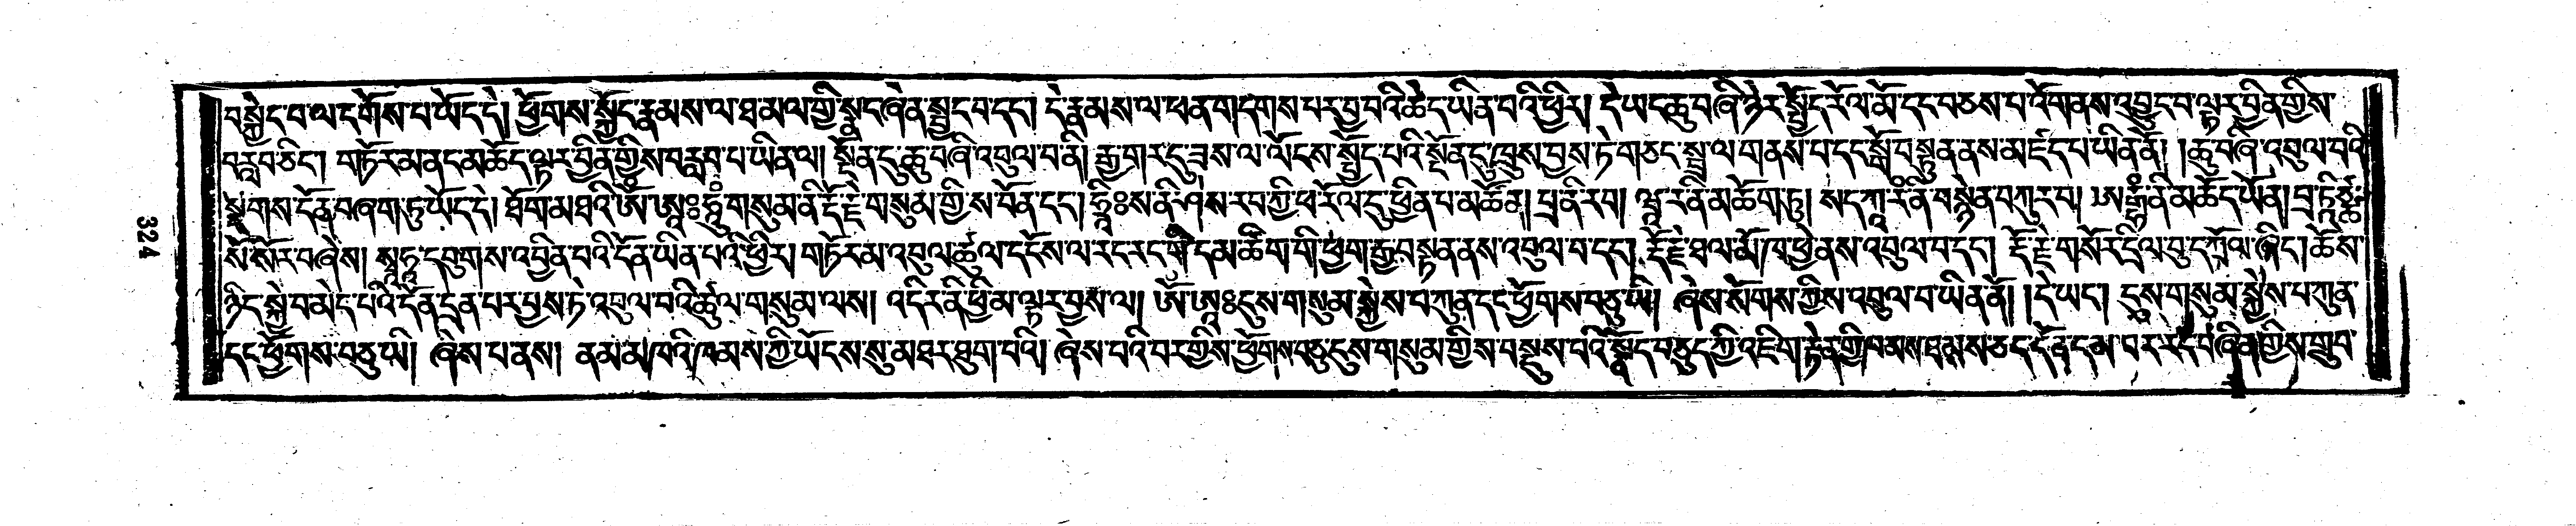བསྐྱེད་པ་ལ་དགོས་པ་ཡོད་དེ། ཕྱོགས་སྐྱོང་རྣམས་ལ་ཐ་མལ་གྱི་སྣང་ཞེན་སྦྱང་བ་དང་། དེ་རྣམས་ལ་ཕན་གདགས་པར་བྱ་བའི་ཆེད་ཡིན་པའི་ཕྱིར། དེ་ཡང་ཆུ་བཞི་ཉེར་སྤྱོད་རོལ་མོ་དང་བཅས་པ་འོག་ནས་འབྱུང་བ་ལྟར་བྱིན་གྱིས་
བརླབ་ཅིང་། གཏོར་མ་ནང་མཆོད་ལྟར་བྱིན་གྱིས་བརླབ་པ་ཡིན་ལ། སྔོན་དུ་ཆུ་བཞི་འབུལ་བ་ནི། རྒྱ་གར་དུ་ཟས་ལ་ལོངས་སྤྱོད་པའི་སྔོན་དུ་ཁྲུས་བྱས་ཏེ་གཙང་སྤྲ་ལ་གནས་པ་དང་སྒོ་བསྟུན་ནས་མཛད་པ་ཡིན་ནོ། །ཆུ་བཞི་འབུལ་བའི་
སྔགས་དོན་བཞག་ཏུ་ཡོད་དེ། ཐོག་མཐའི་ཨོཾ་ཨཱཿ ཧཱུཾ་གསུམ་ནི་རྡོ་རྗེ་གསུམ་གྱི་ས་བོན་དང་། ཧྲཱིཿ ས་ནི་ཤེས་རབ་ཀྱི་ཕ་རོལ་དུ་ཕྱིན་པ་མཚོན། པྲ་ནི་རབ། ཝཱར་ནི་མཆོག་ཏུ། སད་ཀཱ་རིན་བསྙེན་བཀུར་བ། ཨརྒྷཾ་ནི་མཆོད་ཡོན། པྲ་ཏཱིཙྪ་
སོ་སོར་བཞེས། སྭཱཧཱ་དབུགས་འབྱིན་པའི་དོན་ཡིན་པའི་ཕྱིར། གཏོར་མ་འབུལ་ཚུལ་དངོས་ལ་རང་རང་གི་དམ་ཚིག་གི་ཕྱག་རྒྱ་བསྟན་ནས་འབུལ་བ་དང་། རྡོ་རྗེ་ཐལ་མོ་ཁ་ཕྱེ་ནས་འབུལ་བ་དང་། རྡོ་རྗེ་གསོར་དྲིལ་བུ་དཀྲོལ་ཞིང་། ཆོས་
ཉིད་སྐྱེ་བ་མེད་པའི་དོན་དྲན་པར་བྱས་ཏེ་འབུལ་བའི་ཚུལ་གསུམ་ལས། འདིར་ནི་ཕྱི་མ་ལྟར་བྱས་ལ། ཨོཾ་ཨཱཿ དུས་གསུམ་སྐྱེས་པ་ཀུན་དང་ཕྱོགས་བཅུ་ཡི། ཞེས་སོགས་ཀྱིས་འབུལ་བ་ཡིན་ནོ། །དེ་ཡང་། དུས་གསུམ་སྐྱེས་པ་ཀུན་
དང་ཕྱོགས་བཅུ་ཡི། ཞེས་པ་ནས། ནམ་མཁའི་ཁམས་ཀྱི་ཡོངས་སུ་མཐར་ཐུག་པའི། ཞེས་པའི་བར་གྱིས་ཕྱོགས་བཅུ་དུས་གསུམ་གྱིས་བསྡུས་པའི་སྣོད་བཅུད་ཀྱི་འཇིག་རྟེན་གྱི་ཁམས་ཐམས་ཅད་དོན་དམ་པར་རང་བཞིན་གྱིས་གྲུབ་